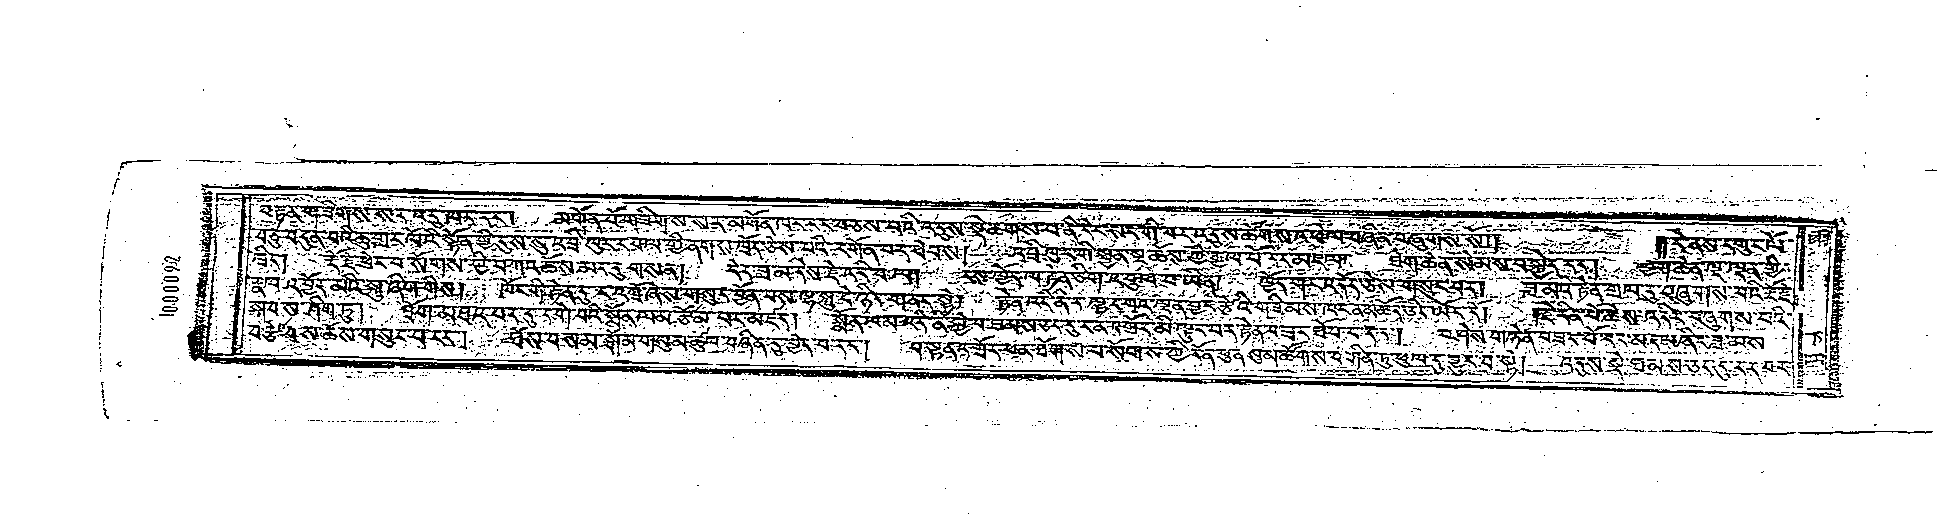བརྟན་གཟིགས་སར་འདུ་ཁང་དང་། མགོན་པོ་གཟིགས་སར་མགོན་ཁར་དང་བཅས་པའི་འདུས་སྡེ་ཆགས་པ་ནི་དེང་སང་གི་བར་འདུས་ཚོགས་འཕེལ་བཞིན་བཞུགས་སོ།། །།དེ་ནས་དགུང་ལོ་
བཅུ་བདུན་བའི་ཆུ་གླང་ལོའི་སྟོན་གྱི་དུས་སུ་འབྲི་ཁུང་དཔལ་གྱི་ནགས་ཁྲོད་ཅེས་པའི་དགོན་པར་ཕེབས། འབྲི་ལུང་གི་སྤྱན་སྔ་ཆོས་ཀྱི་རྒྱལ་པོ་དང་མཇལ། ཐེག་ཆེན་སེམས་བསྐྱེད་དང་། ཕྱག་ཆེན་ལྔ་ལྡན་གྱི་
ཁྲིང་། རྡོ་རྗེ་ཕྲེང་བ་སོགས་ཀྱི་བཀའ་ཆོས་མང་དུ་གསན། དེར་བླ་མ་ངེས་རྗེ་འདི་པ་ལ། ངས་ཁྱོད་ལ་རྟེན་ཅིག་འབུལ་བ་ཡིན། ཁྱོད་གང་འདོད་ཅེས་གསུང་བར། བླ་མའི་རྟེན་གྲལ་དུ་བཞུགས་པའི་རྡོ་རྗེ་
རྣལ་འབྱོར་མའི་སྐུ་ཞིག་གིས། ཁོང་གི་རྟེན་དུ་ང་འགྲོ་ཞེས་གསུང་བྱོན་པས་ལྷ་སྐུ་དེ་ཉིད་གནང་སྟེ། རྟེན་འདི་ནི་ད་ལྟ་དགའ་ལྡན་བྱང་རྩེའི་གཟིམས་ཁང་ན་མཆོད་ཅིང་ཡོད་དོ། །རྗེ་རིན་པོ་ཆེས་འདིར་བཞུགས་པའི་
སྐབས་ཤིག་ཏུ། ཐོག་མཐའ་བར་དུ་དགེ་བའི་སྨོན་ལམ་རྩོམ་པར་མཛད། སྨོན་ལམ་འདི་ནི་སྐྱེ་བ་ཐམས་ཅད་དུ་ངན་འགྲོར་མི་ལྟུང་བར་རྟེན་བཟང་ཐོབ་པ་དང་། བཤེས་གཉེན་བཟང་བོ་དང་མཇལ་ཞིང་བླ་མས་
བརྩེབས་ཆོས་གསུང་བ་དང་། ཐོས་བསམ་སྒོམ་གསུམ་ཚུལ་བཞིན་དུ་བྱེད་བ་དང་། བསྟན་འགྲོར་ཕན་ཐོགས་པ་སོགས་ཀྱི་དོན་ཕུན་སུམ་ཚོགས་པ་ཤིན་ཏུ་ཕུལ་དུ་བྱུང་བ་སྟེ། འདུས་སྡེ་ཐམས་ཅད་དུ་དར་བར་